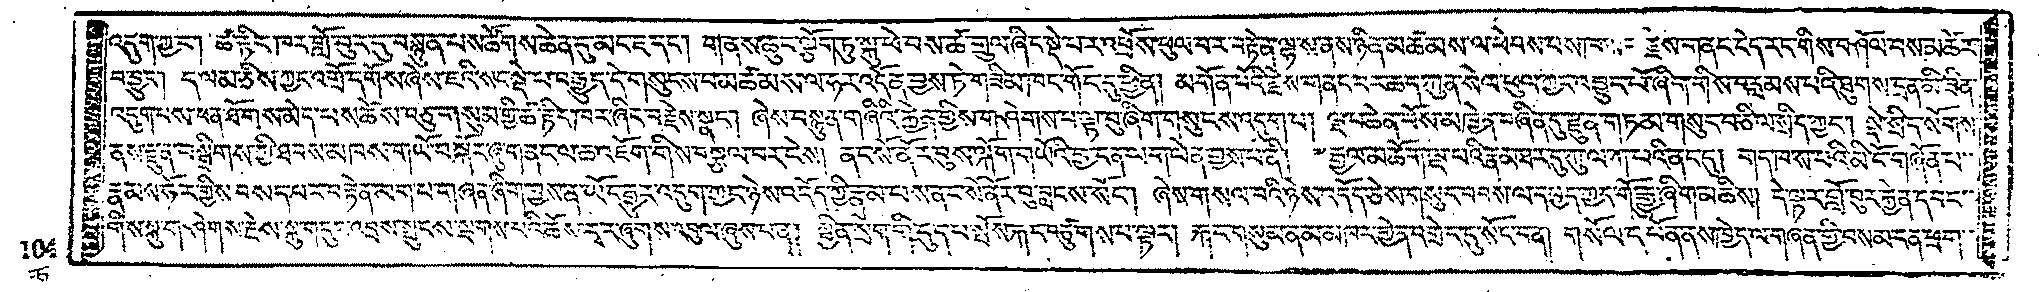འདུག་ཀྱང་། ཚ་རྟིང་ཁར་གློ་བུར་དུ་བསྙུན་པས་ཚོགས་ཆེན་དུ་མང་ཇ་དང་། གནས་ཆུང་ལྕོག་ཏུ་སྐུ་ཕེབས་ཚ་གྲུལ་ཞིང་སྡེ་པར་འཕྲོས་ཕུལ་བར་བརྟེན་ལྷ་ས་ནས་ཉིན་མཚམས་ལ་ཕེབས་པས་ཁ་སང་རྗེས་གནང་ངེད་རང་གིས་བཤོལ་བས་མཚེར་
བ་བྱུང་། ད་ལམ་ཅིས་ཀྱང་འགྲོ་དགོས་ཞེས་ཇའི་སང་སྡེ་པ་བརྒྱུད་དེ་གསུངས་པ་མཚམས་ལ་ཧར་འདོན་བྱས་ཏེ་གཟིམ་ཁང་གོང་དུ་ཕྱིན། མགོན་པོའི་རྗེས་གནང་བར་ཆད་ཀུན་སེལ་ཕུལ་ཀྱང་འབྱུང་པོ་ཞིག་གིས་བརླམས་པའི་ཐུགས་དྲན་མི་ཟིན་
འདུག་པས་ཕན་ཐོགས་མེད་པས་ཚེས་བཅུ་གསུམ་གྱི་ཚ་རྟིང་ཁར་ཞིང་བརྗེས་སྣང་། ཞེས་བསྙུན་གཞིའི་རྐྱེན་གྱིས་གཤེགས་པ་ལྟ་བུ་ཞིག་གསུངས་འདུག་པ། ལྔ་པ་ཆེན་པོས་མཁྱེན་བཞིན་དུ་རྫུན་གཏམ་གསུང་བ་ཅི་ལ་སྲིད་ཀྱང་། སྡེ་སྲིད་སོགས་
ནས་རྫུན་བསྒྲིགས་ཀྱི་ཐབས་མཁས་གཡོ་བསྐོར་ཞུ་གནང་ལ་ཆ་འཇོག་གིས་བསྩལ་བར་ངེས། ནང་སོ་ནོར་བུས་ལྐོག་གཡོའི་བྱ་ངན་ལག་ལེན་བྱས་པ་ནི། ༧རྒྱལ་མཆོག་ལྔ་པའི་རྣམ་ཐར་དུ་ཀུ་ལ་ཀ་པའི་ནང་དུ། གད་ཁ་ས་པའི་མི་ངོ་གཞོན་པ་
རྣམས་ཧོར་གྱིས་བསད་པར་བརྟེན་མག་པ་གཞན་ཞིག་བྱས་ན་ཡོང་རྒྱུར་འདུག་ཀྱང་ཉེས་འདོད་ཀྱི་རྣམ་པས་ནང་སོ་ནོར་བུ་བླངས་སོང་། ཞེས་གསལ་བའི་ཉེས་འདོད་ཅེས་གསུང་བབས་ལ་དཔྱད་ཀྱང་གོ་རྒྱུ་ཞིག་མཆིས། དེ་ལྟར་གློ་བུར་རྐྱེན་དབང་
གིས་སྐུ་གཤེགས་རྗེས་སྐུ་གདུང་འབྲས་སྤུངས་སྔགས་པའི་ཆོས་རྭར་ཞུགས་འབུལ་ཞུས་པ་ན། སྦྱིན་སྲེག་གི་དུད་པ་སྤོས་རྐང་བཙུགས་པ་ལྟར། རྐང་གསུམ་ནམ་མཁར་གྱེན་འགྲེང་དུ་སོང་བ་ན། གསོལ་དཔོན་ནས་ཁྱེད་ལ་གཞན་གྱི་བསམ་ངན་ཕྲག་